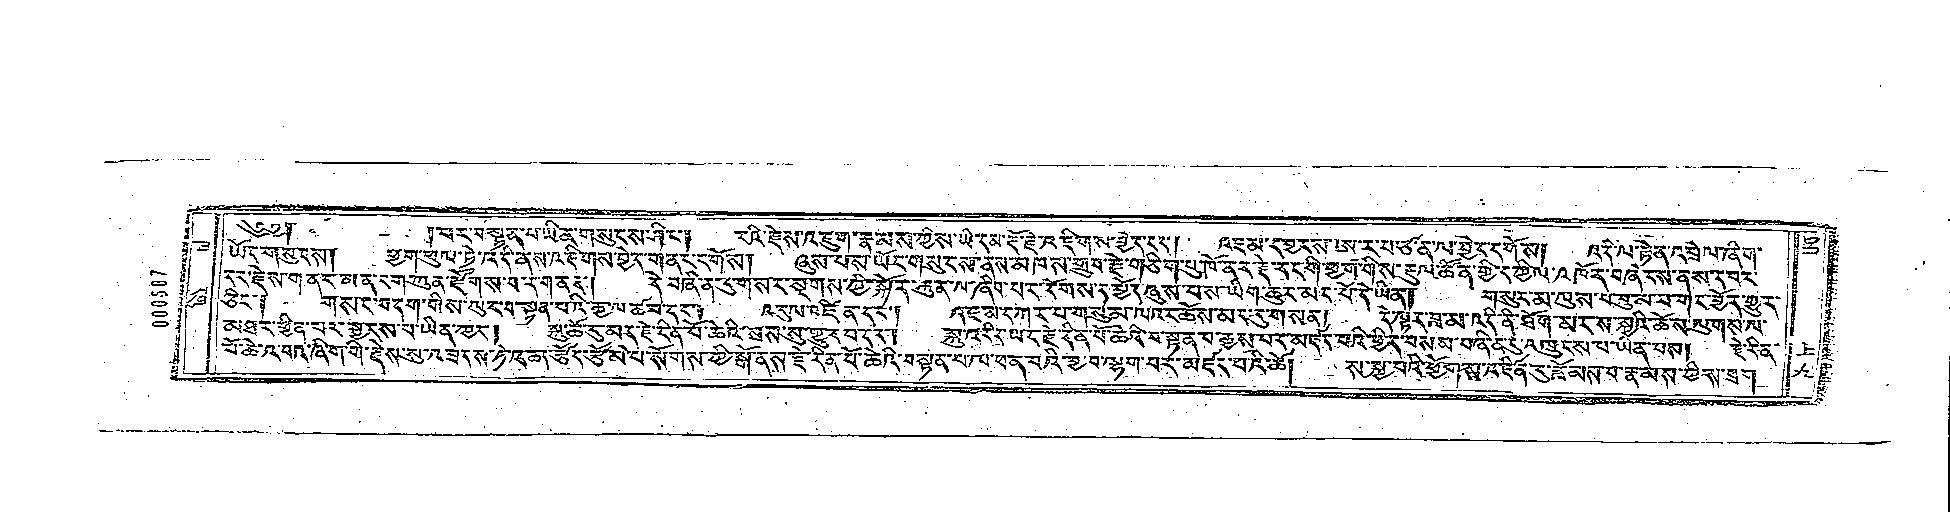༄༅། །བར་བསྟན་པ་ཡིན་གསུངས་ཤིང་། ངའི་རྗེས་འཇུག་རྣམས་ཀྱིས་ཡི་དམ་རྡོ་རྗེ་འཇིགས་བྱེད་དང་། འཇམ་དབྱངས་ཨ་ར་པ་ཙ་ན་ལ་བྱེད་དགོས། འདི་ལ་རྟེན་འབྲེལ་ཞིག་
ཡོད་གསུངས། ཕྱག་ཕུལ་ཏེ་འདི་ནས་འཇིགས་བྱེད་གནང་དགོས། ཞུས་པས་ཡོང་གསུངས་ནས་མཁས་གྲུབ་རྗེ་གཅིག་པུ་ཁོ་ན་ར་རྗེ་རང་གི་ཕྱག་གིས་རྡུལ་ཚོན་གྱི་དཀྱིལ་འཁོར་བཞེངས་ནས་དབང་
དང་རྗེས་གནང་མན་ངག་ཀུན་རྫོགས་བར་གནང་། དེ་བཞིན་དུ་གསང་སྔགས་ཀྱི་སྐོར་རྐུན་ལ་ཞིབ་པར་དོགས་དཔྱོད་ཞུས་པས་ཡིག་ཆུང་མང་པོ་དེ་ཡིན། གསུང་མ་ལུས་པ་བུམ་པ་གང་བྱོར་གྱུར་
ཅིང་། གསང་བདག་གིས་ལུང་བསྟན་པའི་རྒྱལ་ཚབ་དང་། འདུལ་འཛིན་དང་། འཇམ་དཀར་པ་གསུམ་ལའང་ཆོས་མང་དུ་གསན། དེ་ལྟར་བླ་མ་འདི་ནི་ཐོག་མར་ས་སྐྱའི་ཆོས་ལུགས་ལ་
མཐར་ཕྱིན་པར་སྦྱངས་པ་ཡིན་ཀྱང་། སྐུ་ཚེ་དུ་མར་རྗེ་རིན་པོ་ཆེའི་སྲས་སུ་གྱུར་པ་དང་། སྐུ་འདིར་ཡང་རྗེ་རིན་པོ་ཆེའི་བསྟན་པ་རྒྱས་པར་མཛད་པའི་ཕྱིར་བསམ་བཞིན་དུ་འཁྲུངས་པ་ཡིན་པས། རྗེ་རིན་
པོ་ཆེ་འབའ་ཞིག་གི་རྗེས་སུ་འབྲངས་ཏེ་འཆད་རྩོད་རྩོམ་པ་སོགས་ཀྱི་སྒོ་ནས་རྗེ་རིན་པོ་ཆེའི་བསྟན་པ་ལ་ཕན་པའི་བྱ་བ་ལྷག་པར་མཛད་པའི་ཚེ། ས་སྐྱ་པའི་ཕྱོགས་འཛིན་དུ་རློམས་པ་རྣམས་ཀྱིས་ཕྲག་